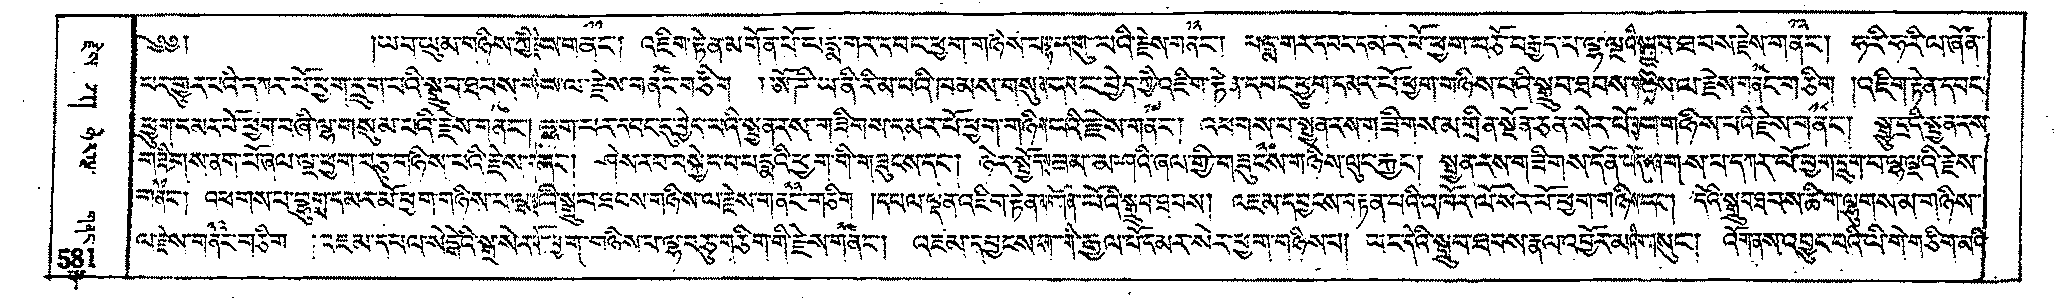༄༅། །ཡབ་ཡུམ་གཉིས་ཀྱི་རྗེས་གནང་། འཇིག་རྟེན་མགོན་པོ་པདམ་གར་དབང་ཕྱག་གཉིས་པ་ལྷ་དགུ་པའི་རྗེས་གནང་། པདམ་གར་དབང་དམར་པོ་ཕྱག་བཅོ་བརྒྱད་པ་ལྷ་ལྔའི་སྒྲུབ་ཐབས་རྗེས་གནང་། ཧ་རི་ཧ་རི་ལ་ཞོན་
པར་གྱུར་པའི་དཀར་པོ་ཕྱག་དྲུག་པའི་སྒྲུབ་ཐབས་གཉིས་ལ་རྗེས་གནང་གཅིག །ཨོ་ཌི་ཡ་ནི་རིམ་པའི་ཁམས་གསུམ་དབང་བྱེད་ཀྱི་འཇིག་རྟེན་དབང་ཕྱུག་དམར་པོ་ཕྱག་གཉིས་པའི་སྒྲུབ་ཐབས་གཉིས་ལ་རྗེས་གནང་གཅིག །འཇིག་རྟེན་དབང་
ཕྱུག་དམར་པོ་ཕྱག་བཞི་ལྷ་གསུམ་པའི་རྗེས་གནང་། ལྷག་པར་དབང་དུ་བྱེད་པའི་སྤྱན་རས་གཟིགས་དམར་པོ་ཕྱག་གཉིས་པའི་རྗེས་གནང་། འཕགས་པ་སྤྱན་རས་གཟིགས་མགྲིན་སྔོན་ཅན་སེར་པོ་ཕྱག་གཉིས་པའི་རྗེས་གནང་། སྒྱུ་དྲའི་སྤྱན་རས་
གཟིགས་ནག་པོ་ཞལ་ལྔ་ཕྱག་བཅུ་གཉིས་པའི་རྗེས་གནང་། ཤེས་རབ་བསྐྱེད་པ་པདམའི་ཕྱག་གི་གཟུངས་དང་། ཉེར་སྤྱོད་སྲན་མ་མ་ཤའི་ཞལ་གྱི་གཟུངས་གཉིས་ལུང་རྐྱང་། སྤྱན་རས་གཟིགས་དོན་ཡོད་ཞགས་པ་དཀར་པོ་ཕྱག་དྲུག་པ་ལྷ་ལྔའི་རྗེས་
གནང་། འཕགས་པ་བྷུགྨ་དམར་མོ་ཕྱག་གཉིས་པ་ལྷ་ལྔའི་སྒྲུབ་ཐབས་གཉིས་ལ་རྗེས་གནང་གཅིག །དཔལ་ལྡན་འཇིག་རྟེན་མགོན་པོའི་སྒྲུབ་ཐབས། འཇམ་དབྱངས་བརྟན་པའི་འཁོར་ལོ་སེར་པོ་ཕྱག་གཉིས་དང་། དེའི་སྒྲུབ་ཐབས་ཚིག་ལྷུགས་མ་གཉིས་
ལ་རྗེས་གནང་གཅིག །འཇམ་དཔལ་སེངྒེའི་སྒྲ་སེར་པོ་ཕྱག་གཉིས་པ་ལྷ་བཅུ་གཅིག་གི་རྗེས་གནང་། འཇམ་དབྱངས་ངག་གི་རྒྱལ་པོ་དམར་སེར་ཕྱག་གཉིས་པ། ཡང་དེའི་སྒྲུབ་ཐབས་རྣལ་འབྱོར་མའི་གསུང་། འོག་ནས་འབྱུང་བའི་ཡི་གེ་གཅིག་མའི་